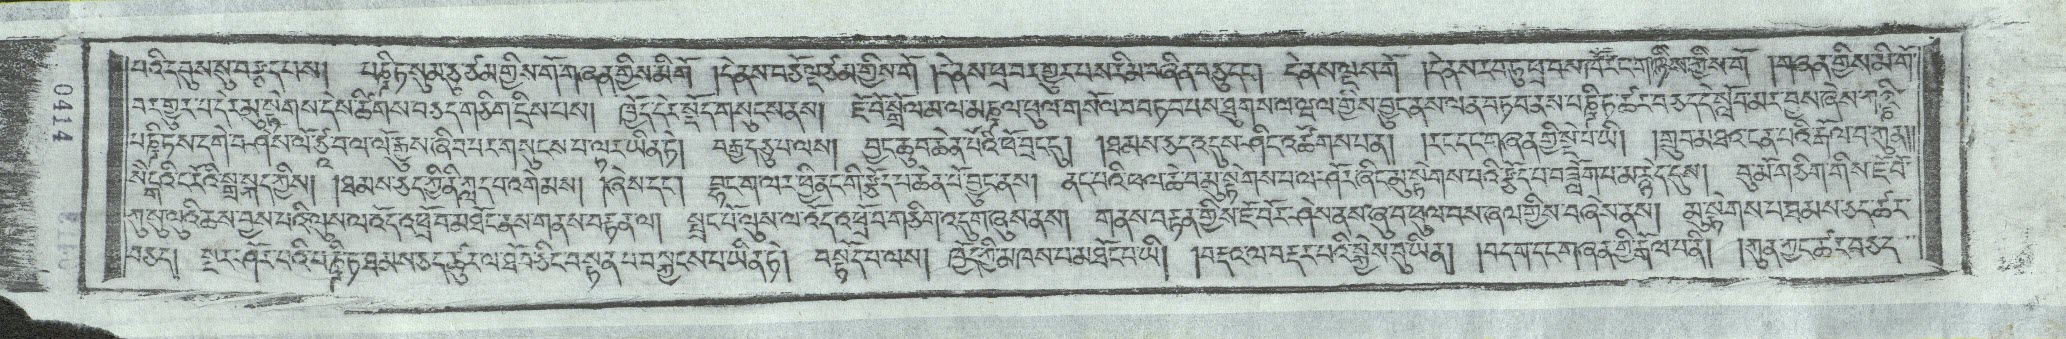པའི་དབུས་སུ་བརྩད་པས། པཎྜི་ཏ་སུམ་ཅུ་ཙམ་གྱིས་གོ་གཞན་གྱིས་མི་གོ །དེ་ནས་བཅོ་ལྔ་ཙམ་གྱིས་གོ །དེ་ནས་ཕྲ་བར་གྱུར་པས་རིམ་བཞིན་བཅུ་དང་། དེ་ནས་ལྔས་གོ །དེ་ནས་རབ་ཏུ་ཕྲ་བས་ཁོ་རང་གཉིས་ཀྱིས་གོ །གཞན་གྱིས་མི་གོ་
བར་གྱུར་པ་དེར་མུ་སྟེགས་དེས་ཚིགས་བཅད་གཅིག་དྲིས་པས། ཁྱོད་དེར་སྡོད་གསུངས་ནས། ཇོ་བོ་སྒྲོལ་མ་ལ་མཎྜལ་ཕུལ་གསོལ་བ་བཏབ་པས་ཐུགས་ལ་ཝལ་གྱིས་བྱུང་ནས་ལན་བཏབ་ནས་པཎྜི་ཏ་ཚར་བཅད་དེ་སློབ་མར་བྱས་ཞེས་ཀཥྞི་
པཎྜི་ཏས་དགེ་བཤེས་ལོ་ཙཱ་བ་ལ་ལོ་རྒྱུས་ཞིབ་པར་གསུངས་པ་ལྟར་ཡིན་ཏེ། བརྒྱད་ཅུ་པ་ལས། བྱང་ཆུབ་ཆེན་པོའི་ཕོ་བྲང་དུ། །ཐམས་ཅད་འདུས་ཤིང་འཚོགས་པ་ན། །རང་དང་གཞན་གྱི་སྡེ་པ་ཡི། །གྲུབ་མཐའ་ངན་པའི་རྒོལ་བ་ཀུན།།
སེངྒེའི་ང་རོའི་སྒྲ་སྐད་ཀྱིས། །ཐམས་ཅད་ཀྱི་ནི་ཀླད་པ་འགེམས། །ཞེས་དང་། བྷང་ག་ལར་ཕྱི་ནང་གི་རྩོད་པ་ཆེན་པོ་བྱུང་ནས། ནང་པའི་ཕལ་ཆེ་བ་མུ་སྟེགས་པ་ལ་ཤོར་ཞིང་མུ་སྟེགས་པའི་རྩོད་པ་བཟློག་པར་མ་རྙེད་དུས། བུ་མོ་གཅིག་གིས་ཇོ་བོ་
ཀུ་སུ་ལུའི་ཆས་བྱས་པའི་ལུས་ལ་འོད་འཕྲོ་བ་མཐོང་ནས་གནས་བརྟན་ལ། སྤྲང་པོ་ལུས་ལ་འོད་འཕྲོ་བ་གཅིག་འདུག་ཞུས་ནས། གནས་བརྟན་གྱིས་ཇོ་བོར་ཤེས་ནས་ཞུ་བ་ཕུལ་བས་ཞལ་གྱིས་བཞེས་ནས། མུ་སྟེགས་པ་ཐམས་ཅད་ཚང་
བཅད། སྔར་ཤོར་པའི་པཎྜི་ཏ་ཐམས་ཅད་ཚུར་ལ་ཐོབ་ཅིང་བསྟན་པ་བསྐྱངས་པ་ཡིན་ཏེ། བསྟོད་པ་ལས། ཁྱོད་ཀྱི་མཁས་པ་མཐོང་པ་ཡི། །བརྡའ་ལ་བརྡར་པའི་སྐྱེས་བུ་ཡིན། །བདག་དང་གཞན་གྱི་རྒོལ་པ་ནི། །ཀུན་ཀྱང་ཚར་བཅད་